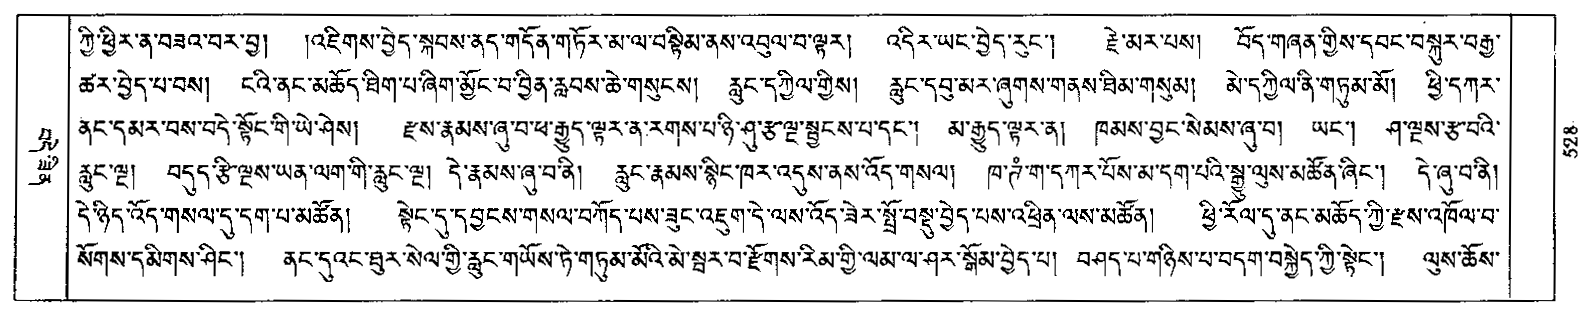ཀྱི་ཕྱིར་ན་བཟའ་བར་བྱ། །འཇིགས་བྱེད་སྐབས་ནད་གདོན་གཏོར་མ་ལ་བསྟིམ་ནས་འབུལ་བ་ལྟར། འདིར་ཡང་བྱེད་རུང་། རྗེ་མར་པས། བོད་གཞན་གྱིས་དབང་བསྐུར་བརྒྱ་
ཚར་བྱེད་པ་བས། ངའི་ནང་མཆོད་ཐིག་པ་ཞིག་མྱོང་བ་བྱིན་རླབས་ཆེ་གསུངས། རླུང་དཀྱིལ་གྱིས། རླུང་དབུ་མར་ཞུགས་གནས་ཐིམ་གསུམ། མེ་དཀྱིལ་ནི་གཏུམ་མོ། ཕྱི་དཀར་
ནང་དམར་བས་བདེ་སྟོང་གི་ཡེ་ཤེས། རྫས་རྣམས་ཞུ་བ་ཕ་རྒྱུད་ལྟར་ན་རགས་པ་ཉི་ཤུ་རྩ་ལྔ་སྦྱངས་པ་དང་། མ་རྒྱུད་ལྟར་ན། ཁམས་བྱང་སེམས་ཞུ་བ། ཡང་། ཤ་ལྔས་རྩ་བའི་
རླུང་ལྔ། བདུད་རྩི་ལྔས་ཡན་ལག་གི་རླུང་ལྔ། དེ་རྣམས་ཞུ་བ་ནི། རླུང་རྣམས་སྙིང་ཁར་འདུས་ནས་འོད་གསལ། ཁ་ཊཾ་ག་དཀར་པོས་མ་དག་པའི་སྒྱུ་ལུས་མཚོན་ཞིང་། དེ་ཞུ་བ་ནི།
དེ་ཉིད་འོད་གསལ་དུ་དག་པ་མཚོན། སྟེང་དུ་དབྱངས་གསལ་བཀོག་པས་ཟུང་འཇུག་དེ་ལས་འོད་ཟེར་སྤྲོ་བསྡུ་བྱེད་པས་འཕྲིན་ལས་མཚོན། ཕྱི་རོལ་དུ་ནང་མཆོད་ཀྱི་རྫས་འཁོལ་བ་
སོགས་དམིགས་ཤིང་། ནང་དུའང་ཐུར་སེལ་གྱི་རླུང་གཡོས་ཏེ་གཏུམ་མོའི་མེ་སྦར་བ་རྫོགས་རིམ་གྱི་ལམ་ལ་ཤར་སྒོམ་བྱེད་པ། བཤད་པ་གཉིས་པ་བདག་བསྐྱེད་ཀྱི་སྟེང་། ལུས་ཆོས་